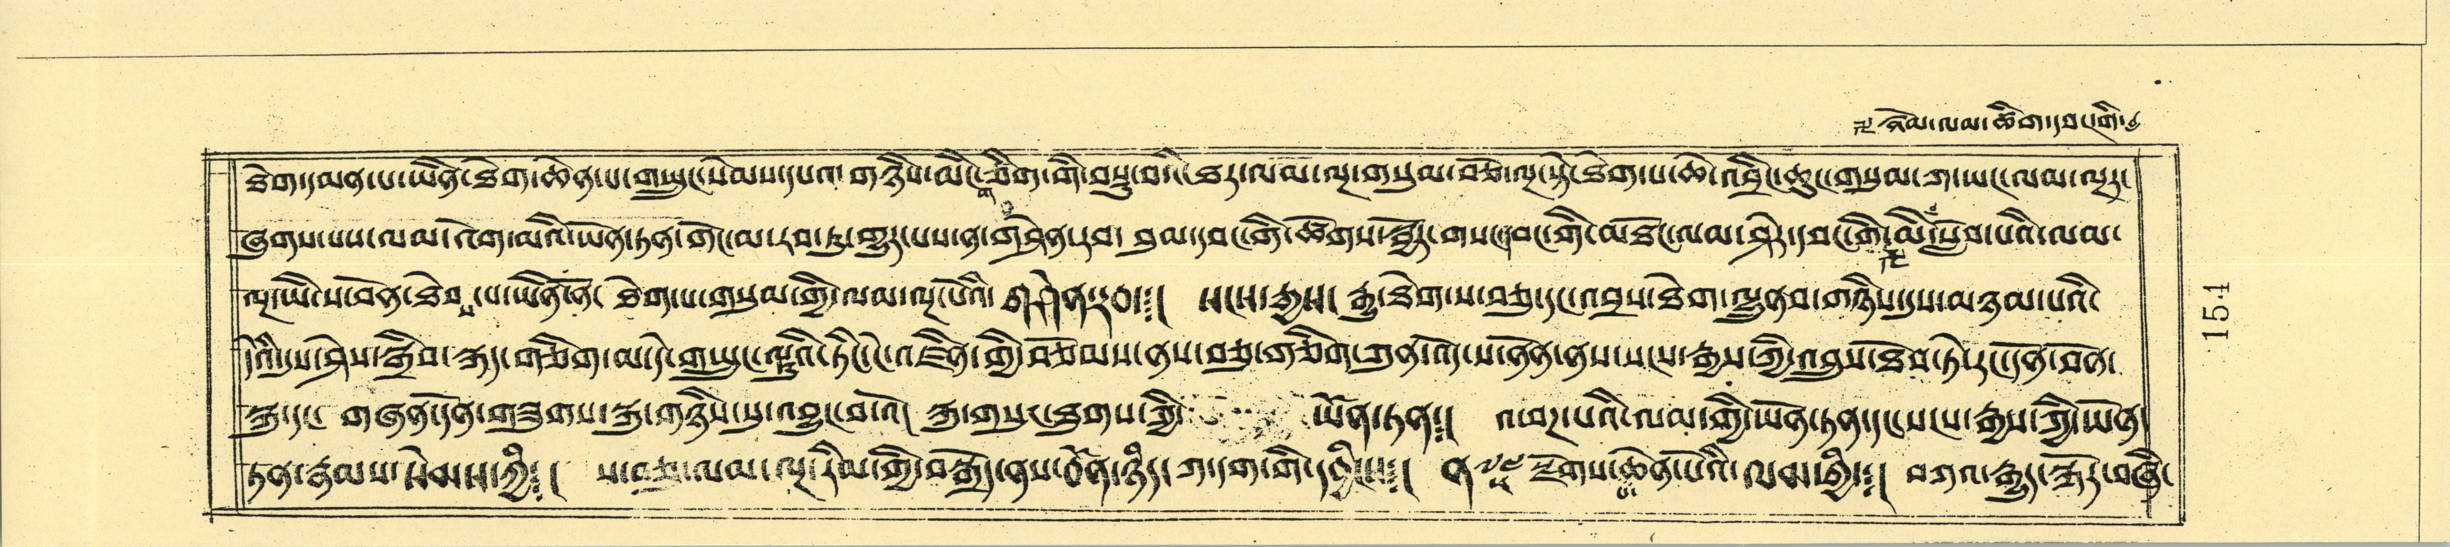ཐེག་དམན་པ་ཡིན་ཐེག་ཆེན་པ་གཡུང་དྲུང་སེམས་དཔའ་གཉིས་མིང་གཅིག་གི་བསྡུ་བའི་ཐར་ལམ་ལྔ་གསུམ་བཅོ་ལྔ་སྟེ་ཐེག་པ་ཆེ་འབྲིང་ཆུང་གསུམ་ཀ་ཡང་ལམ་ལྔར་
ཞུགས་པས་ལམ་འོག་མའི་གོང་མ་རབ་ཏུ་གྱུར་པས་ན་གཤེན་རབ་བུམ་དབང་གི་ཚོགས་སྦྱོར་གསང་དབང་གི་མཐོང་ལམ་ཤེར་དབང་གི་སྒོམ་ལམ་ཚིག་དབང་གི་མི་སློབ་པའི་ལམ་
ལྔའི་ས་བོན་ཐེབས་པ་ཡིན་ནོ། ཐེག་པ་གསུམ་གྱི་ལམ་ལྔ་པོའི་གཤེན་རབ་ སངས་རྒྱས་ རྒྱུ་ཐེག་པ་བཅུ་དང་འབྲས་ཐེག་ལྷུན་གྲུབ་གཉིས་དུས་མཉམ་པའི་
དེའི་དས་ཤེས་སྒྲིབ་སྐད་ཅིག་མ་དེ་གཡུང་དྲུང་ལྟ་བུའི་ཏིང་ངེ་འཛིན་གྱིས་བཅོམ་ནས་བཅུ་གཅིག་ཀུན་འོད་ས་ནོན་ནས་སངས་རྒྱས་ཀྱི་འབྲས་བུ་ཐོབ་སྟེ་རང་དོན་བོན་
སྐུ་དང་། གཞན་དོན་གཟུགས་སྐུ་གཉིས་སུ་འབྱུང་བའོ། སྐུ་གསུང་ཐུགས་ཀྱི་ ཡོན་ཏན་ འཕགས་པའི་ལམ་གྱི་ཡོན་ཏན་དང་སངས་རྒྱས་ཀྱི་ཡོན་
ཏན་རྣམས་སེམས་ཀྱི་ ས་བཅུ་ལམ་ལྔ་རིམ་གྱིས་བསྒྲོད་ནས་བོན་ཉིད་ཀ་དག་གི་དབྱིངས་ ན༧༤།༥རྫོགས་པ་ཆེན་པོའི་ལམ་གྱིས་ བཀའ་བརྒྱུད་སྐོར་བཞི་